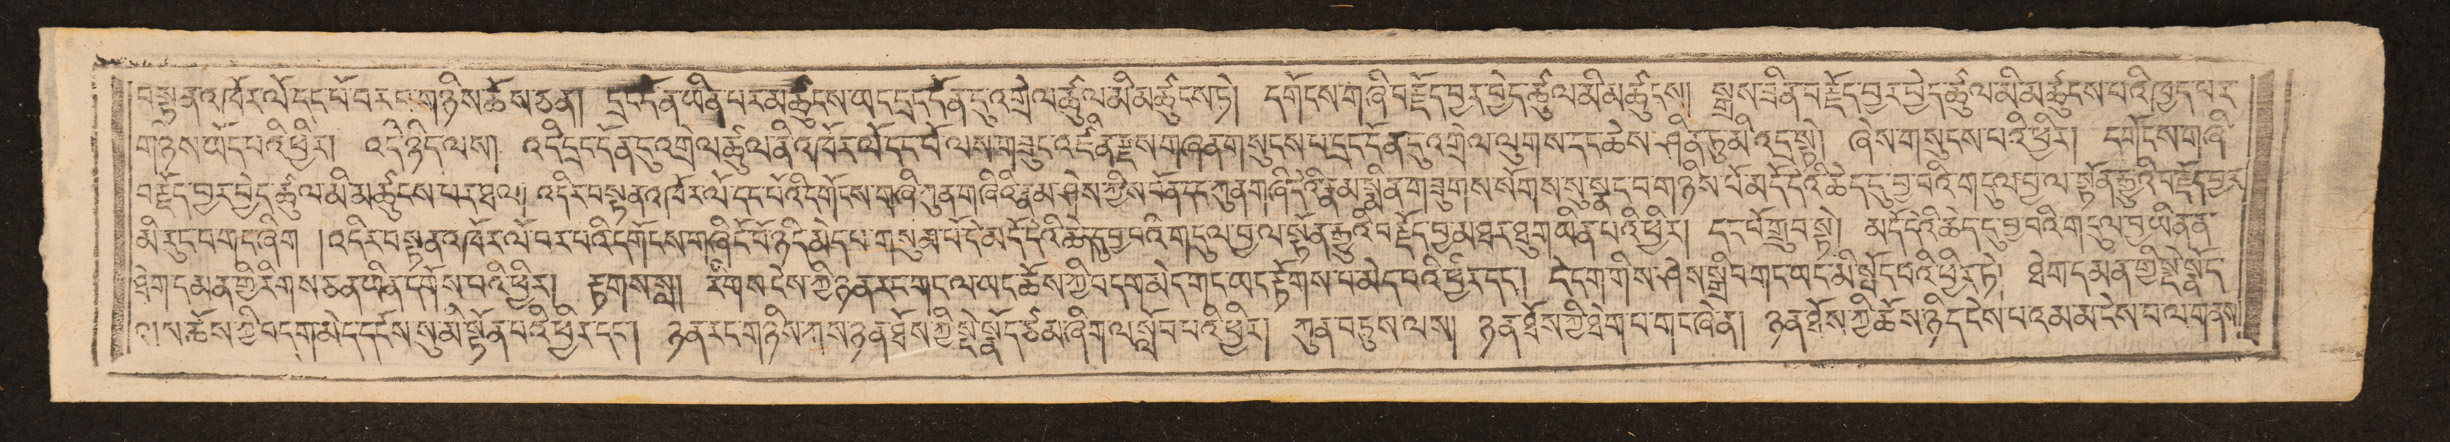བསྟན་འཁོར་ལོ་དང་བོ་བར་བ་གཉིས་ཆོས་ཅན། དྲང་དོན་ཡིན་པར་མཚུངས་ཡང་དྲང་དོན་དུ་འགྲེལ་ཚུལ་མི་མཚུངས་ཏེ། དགོངས་གཞི་བརྗོད་བྱར་བྱེད་ཚུལ་མི་མཚུངས། སྒྲས་ཟིན་བརྗོད་བྱར་བྱེད་ཚུལ་མི་མཚུངས་པའི་ཁྱད་པར་
གཉིས་ཡོད་པའི་ཕྱིར། འདི་ཉིད་ལས། འདི་དྲང་དོན་དུ་འགྲེལ་ཚུལ་ནི་འཁོར་ལོ་དང་པོ་ལས་གཟུང་འཛིན་རྫས་གཞན་གསུངས་པ་དྲང་དོན་དུ་འགྲེལ་ལུགས་དང་ཆེས་ཤིན་ཏུ་མི་འདྲ་སྟེ། ཞེས་གསུངས་པའི་ཕྱིར། དགོངས་གཞི་
བརྗོད་བྱར་བྱེད་ཚུལ་མི་མཚུངས་པར་ཐལ། འདིར་བསྟན་འཁོར་ལོ་དང་པོའི་དགོངས་གཞི་ཀུན་གཞིའི་རྣམ་ཤེས་ཀྱི་ས་བོན་དང་ཀུན་གཞི་དེའི་རྣམ་སྨིན་གཟུགས་སོགས་སུ་སྣང་བ་གཉིས་པོ་མདོ་དེའི་ཆེད་དུ་བྱ་བའི་གདུལ་བྱ་ལ་སྟོན་རྒྱུའི་བརྗོད་བྱར་
མི་རུང་བ་གང་ཞིག །འདིར་བསྟན་འཁོར་ལོ་བར་བའི་དགོངས་གཞི་ངོ་བོ་ཉིད་མེད་པ་གསུམ་པོ་དེ་མདོ་དེའི་ཆེད་དུ་བྱ་བའི་གདུལ་བྱ་ལ་སྟོན་རྒྱུའི་བརྗོད་བྱ་མཐར་ཐུག་ཡིན་པའི་ཕྱིར། དང་པོ་གྲུབ་སྟེ། མདོ་དེའི་ཆེད་དུ་བྱ་བའི་གདུལ་བྱ་ཡིན་ན་
ཐེག་དམན་གྱི་རིགས་ཅན་ཡིན་དགོས་པའི་ཕྱིར། རྟགས་སླ། རིགས་ངེས་ཀྱི་ཉན་རང་གང་ལ་ཡང་ཆོས་ཀྱི་བདག་མེད་གང་ཡང་རྟོགས་པ་མེད་པའི་ཕྱིར་དང་། དེ་དག་གིས་ཤེས་སྒྲིབ་གང་ཡང་མི་སྤོང་བའི་ཕྱིར་ཏེ། ཐེག་དམན་གྱི་སྡེ་སྣོད་
ལས་ཆོས་ཀྱི་བདག་མེད་དངོས་སུ་མི་སྟོན་པའི་ཕྱིར་དང་། ཉན་རང་གཉིས་ཀས་ཉན་ཐོས་ཀྱི་སྡེ་སྣོད་ཙམ་ཞིག་ལ་སློབ་པའི་ཕྱིར། ཀུན་བཏུས་ལས། ཉན་ཐོས་ཀྱི་ཐེག་པ་གང་ཞེ་ན། ཉན་ཐོས་ཀྱི་ཆོས་ཉིད་ངེས་པའམ་མ་ངེས་པ་ལ་གནས་